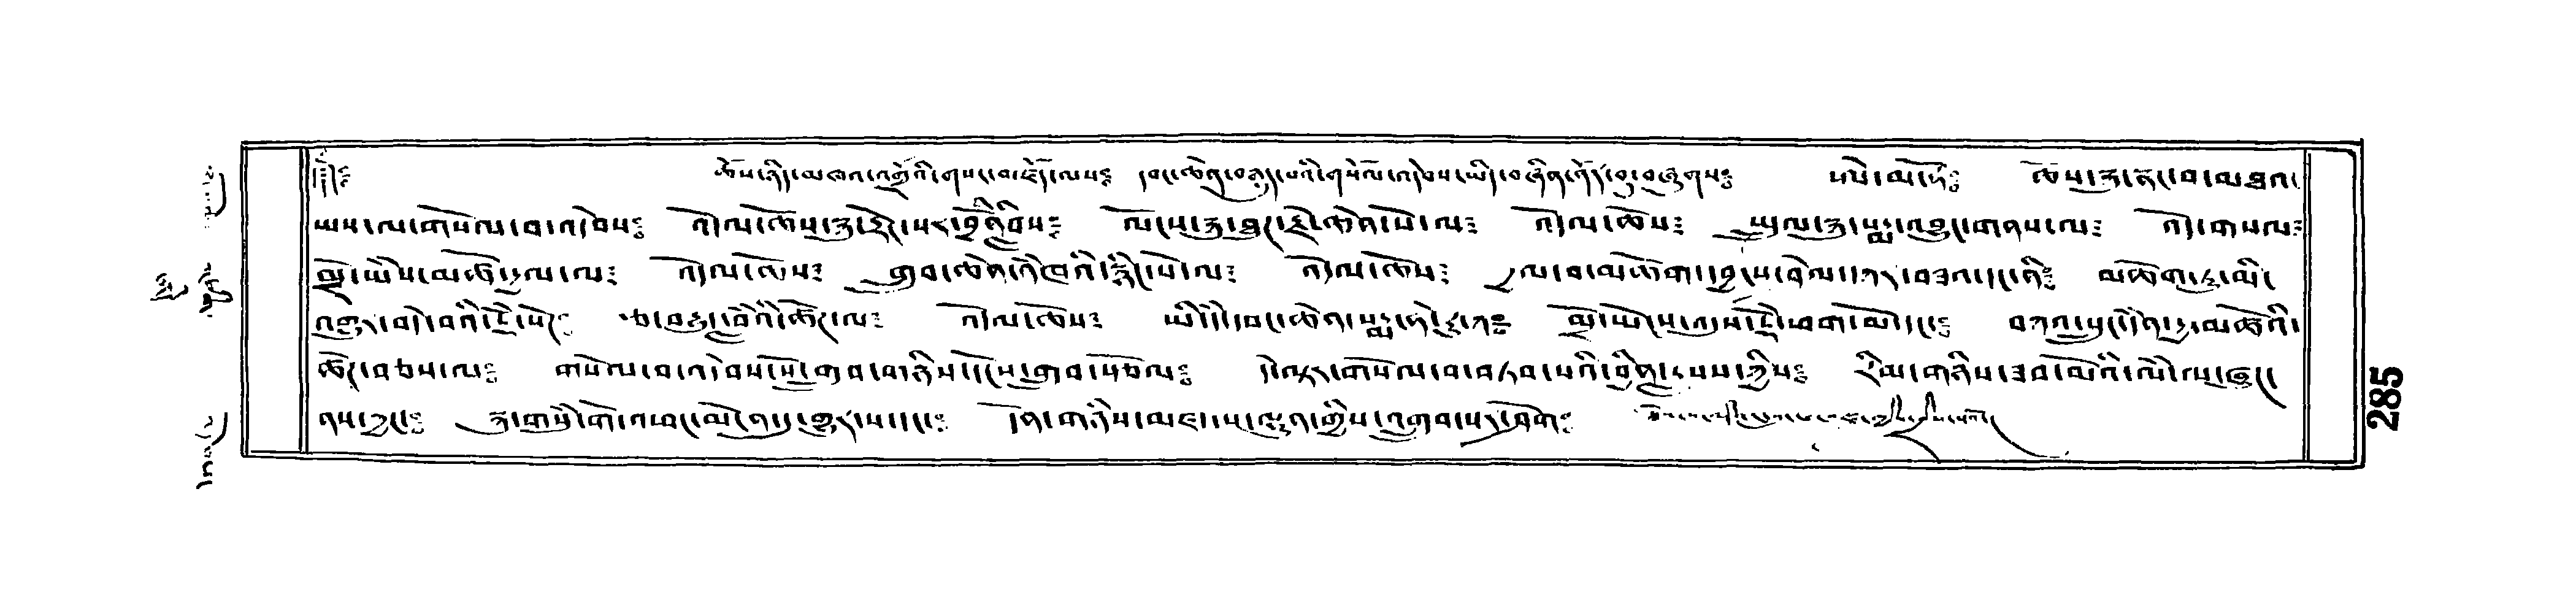ཆོས་ཉིད་མཁའ་འགྲོའི་གསང་མཛོད་ལས༔ དབང་ཆེན་བརྒྱུད་པའི་གསོལ་འདེབས་ཡིད་བཞིན་ནོར་བུ་བཞུགས༔ ཨེ་མ་ཧོཿ ཆོས་སྐུ་སྣང་བ་མཐའ་
ཡས་ལ་གསོལ་བ་འདེབས༔ འོད་གསལ་ཆོས་སྐུ་རྟོགས་པར་བྱིན་གྱིས་རློབས༔ ལོངས་སྐུ་ཐུགས་རྗེ་ཆེན་པོ་ལ༴ འོད་གསལ་ཆོས༴ སྤྲུལ་སྐུ་པདྨ་འབྱུང་གནས་ལ༴ འོད་གསལ༴ 
མཁའ་འགྲོ་ཡེ་ཤེས་མཚོ་རྒྱལ་ལ༴ འོད་གསལ་ཆོས༴ གྲུབ་ཆེན་ནམ་མཁའི་སྙིང་པོ་ལ༴ འོད་གསལ་ཆོས༴ རྒྱལ་བ་མཆོག་དབྱངས་ཤེལ་དཀར་བཟའ་དང་ནི༔ མཆོག་ཏུ་མི་
འགྱུར་བདེ་བའི་རྡོ་རྗེ་སོགས༔ རྩ་བརྒྱུད་བླ་མའི་ཚོགས་ལ༴ འོད་གསལ་ཆོས༴ ཡི་དམ་དབང་ཆེན་པདྨ་ཧེ་རུ་ཀ༔ མཁའ་འགྲོ་ཡོངས་འདུས་རྡོ་རྗེ་ཕག་མོ་དང༔ བཀའ་སྲུང་དམ་ཅན་རྒྱ་མཚོའི་
ཚོགས་བཅས་ལ༔ གསོལ་བ་འདེབས་སོ་གྲུབ་གཉིས་དངོས་གྲུབ་སྩོལ༔ དེ་ལྟར་གསོལ་བ་བཏབ་པའི་བྱིན་རླབས་ཀྱིས༔ རིམ་གཉིས་ཟབ་མོའི་ལམ་ལ་ཞུགས་
ནས་ཀྱང༔ སྐུ་གསུམ་གོ་འཕང་མངོན་དུ་གྱུར་པ་དང༔ དོན་གཉིས་མཛད་པ་ལྷུན་གྱིས་འགྲུབ་པར་ཤོག༔ ཅེས་པ་འདིའང་སུ་ཁ་བཛྲ་གྱིས་བྲིས་པའོ།།